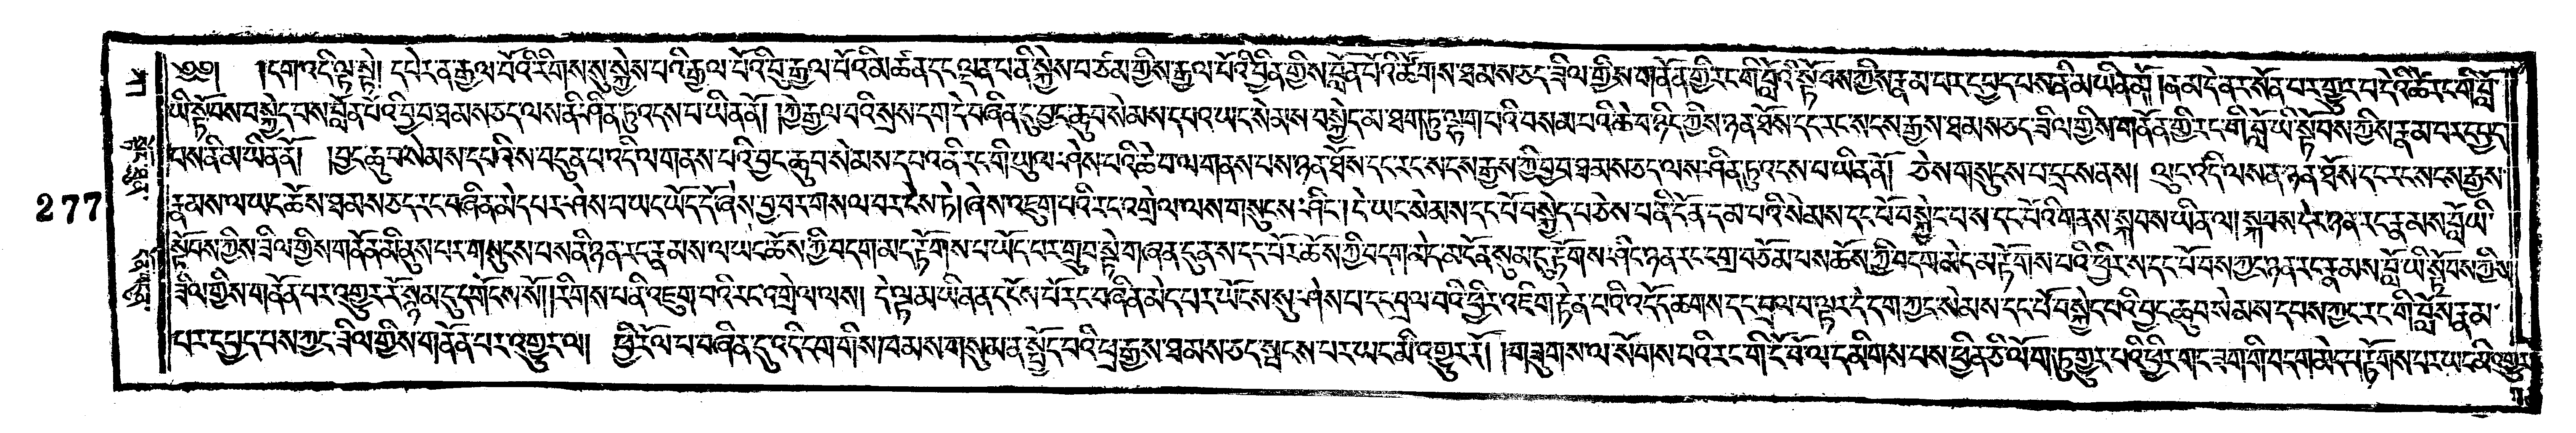༄༅། །དག་འདི་ལྟ་སྟེ། དཔེར་ན་རྒྱལ་པོའི་རིགས་སུ་སྐྱེས་པའི་རྒྱལ་པོའི་བུ་རྒྱལ་པོའི་མཚན་དང་ལྡན་པ་ནི་སྐྱེས་པ་ཙམ་གྱིས་རྒྱལ་པོའི་བྱིན་གྱིས་བློན་པོའི་ཚོགས་ཐམས་ཅད་ཟིལ་གྱིས་གནོན་གྱི་རང་གི་བློའི་སྟོབས་ཀྱིས་རྣམ་པར་དཔྱད་པས་ནི་མ་ཡིན་ནོ། །ནམ་དེ་ནར་སོན་པར་གྱུར་པ་དེའི་ཚེ་རང་གི་བློ་
ཡི་སྟོབས་བསྐྱེད་བས་བློན་པོའི་བྱ་བ་ཐམས་ཅད་ལས་ནི་ཤིན་ཏུ་འདས་པ་ཡིན་ནོ། །ཀྱེ་རྒྱལ་བའི་སྲས་དག་དེ་བཞིན་དུ་བྱང་ཆུབ་སེམས་དཔའ་ཡང་སེམས་བསྐྱེད་མ་ཐག་ཏུ་ལྷག་པའི་བསམ་པའི་ཆེ་བ་ཉིད་ཀྱིས་ཉན་ཐོས་དང་རང་སངས་རྒྱས་ཐམས་ཅད་ཟིལ་གྱིས་གནོན་གྱི་རང་གི་བློ་ཡི་སྟོབས་ཀྱིས་རྣམ་པར་དཔྱད་
པས་ནི་མ་ཡིན་ནོ། །བྱང་ཆུབ་སེམས་དཔའི་ས་བདུན་པ་འདི་ལ་གནས་པའི་བྱང་ཆུབ་སེམས་དཔའ་ནི་རང་གི་ཡུལ་ཤེས་པའི་ཆེ་བ་ལ་གནས་པས་ཉན་ཐོས་དང་རང་སངས་རྒྱས་ཀྱི་བྱ་བ་ཐམས་ཅད་ལས་ཤིན་ཏུ་འདས་པ་ཡིན་ནོ། ཅེས་གསུངས་པ་དྲངས་ནས། ལུང་འདི་ལས་ན་ཉན་ཐོས་དང་རང་སངས་རྒྱས་
རྣམས་ལ་ཡང་ཆོས་ཐམས་ཅད་རང་བཞིན་མེད་པར་ཤེས་པ་ཡང་ཡོད་དོ་ཞེས་བྱ་བར་གསལ་བར་ངེས་ཏེ། ཞེས་འཇུག་པའི་རང་འགྲེལ་ལས་གསུངས་ཤིང་། དེ་ཡང་སེམས་དང་པོ་བསྐྱེད་པ་ཅེས་པ་ནི་དོན་དམ་པའི་སེམས་དང་པོ་བསྐྱེད་པ་ས་དང་པོའི་གནས་སྐབས་ཡིན་ལ། སྐབས་དེར་ཉན་རང་རྣམས་བློ་ཡི་
སྟོབས་ཀྱིས་ཟིལ་གྱིས་གནོན་མི་ནུས་པར་གསུངས་པས་ནི་ཉན་རང་རྣམས་ལ་ཡང་ཆོས་ཀྱི་བདག་མེད་རྟོགས་པ་ཡོད་པར་གྲུབ་སྟེ་གཞན་དུ་ན་ས་དང་པོར་ཆོས་ཀྱི་བདག་མེད་མངོན་སུམ་དུ་རྟོགས་ཤིང་ཉན་རང་དགྲ་བཅོམ་པས་ཆོས་ཀྱི་བདག་མེད་མ་རྟོགས་པའི་ཕྱིར་ས་དང་པོ་བས་ཀྱང་ཉན་རང་རྣམས་བློ་ཡི་སྟོབས་ཀྱིས་
ཟིལ་གྱིས་གནོན་པར་འགྱུར་རོ་སྙམ་དུ་དགོངས་སོ། །རིགས་པ་ནི་འཇུག་པའི་རང་འགྲེལ་ལས། དེ་ལྟ་མ་ཡིན་ན་དངོས་པོ་རང་བཞིན་མེད་པར་ཡོངས་སུ་ཤེས་པ་དང་བྲལ་བའི་ཕྱིར་འཇིག་རྟེན་པའི་འདོད་ཆགས་དང་བྲལ་བ་ལྟར་དེ་དག་ཀྱང་སེམས་དང་པོ་བསྐྱེད་པའི་བྱང་ཆུབ་སེམས་དཔས་ཀྱང་རང་གི་བློས་རྣམ་
པར་དཔྱད་པས་ཀྱང་ཟིལ་གྱིས་གནོན་པར་འགྱུར་ལ། ཕྱི་རོལ་པ་བཞིན་དུ་འདི་དག་གིས་ཁམས་གསུམ་ན་སྤྱོད་པའི་ཕྲ་རྒྱས་ཐམས་ཅད་སྤངས་པར་ཡང་མི་འགྱུར་རོ། །གཟུགས་ལ་སོགས་པའི་རང་གི་ངོ་བོ་ལ་དམིགས་པས་ཕྱིན་ཅི་ལོག་ཏུ་གྱུར་པའི་ཕྱིར་གང་ཟག་གི་བདག་མེད་པ་རྟོགས་པར་ཡང་མི་འགྱུར་